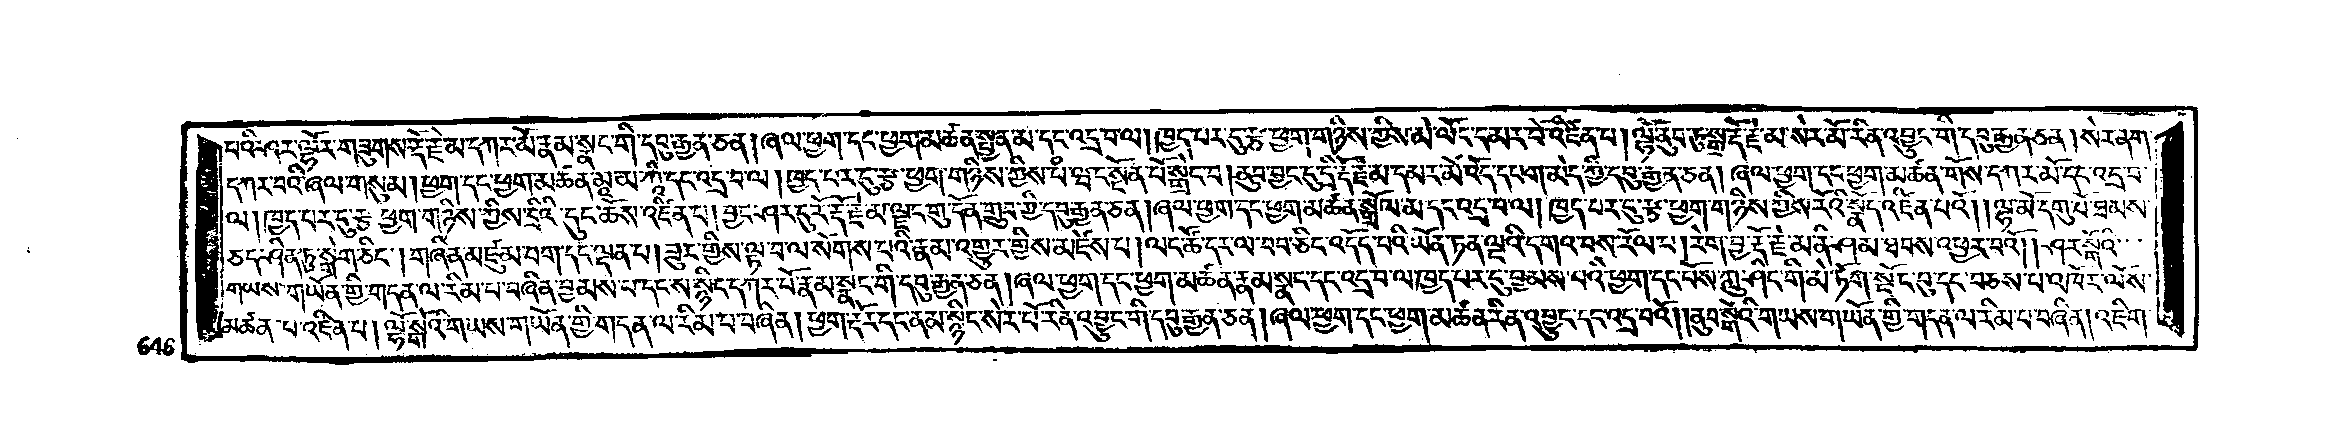པའི་ཤར་ལྷོར་གཟུགས་རྡོ་རྗེ་མ་དཀར་མོ་རྣམ་སྣང་གི་དབུ་རྒྱན་ཅན། ཞལ་ཕྱག་དང་ཕྱག་མཚན་སྤྱན་མ་དང་འདྲ་བ་ལ། ཁྱད་པར་དུ་རྩ་ཕྱག་གཉིས་ཀྱིས་མེ་ལོང་དམར་པོ་འཛིན་པ། ལྷོ་ནུབ་ཏུ་སྒྲ་རྡོ་རྗེ་མ་སེར་མོ་རིན་འབྱུང་གི་དབུ་རྒྱན་ཅན། སེར་ནག་
དཀར་བའི་ཞལ་གསུམ། ཕྱག་དང་ཕྱག་མཚན་མཱ་མ་ཀཱི་དང་འདྲ་བ་ལ། ཁྱད་པར་དུ་རྩ་ཕྱག་གཉིས་ཀྱིས་པི་ཝང་སྔོན་པོ་སྒྲེང་བ། ནུབ་བྱང་དུ་དྲི་རྡོ་རྗེ་མ་དམར་མོ་འོད་དཔག་མེད་ཀྱི་དབུ་རྒྱན་ཅན། ཞལ་ཕྱག་དང་ཕྱག་མཚན་གོས་དཀར་མོ་དང་འདྲ་བ་
ལ། ཁྱད་པར་དུ་རྩ་ཕྱག་གཉིས་ཀྱིས་དྲིའི་དུང་ཆོས་འཛིན་པ། བྱང་ཤར་དུ་རོ་རྡོ་རྗེ་མ་ལྗང་གུ་དོན་གྲུབ་ཀྱི་དབུ་རྒྱན་ཅན། ཞལ་ཕྱག་དང་ཕྱག་མཚན་སྒྲོལ་མ་དང་འདྲ་བ་ལ། ཁྱད་པར་དུ་རྩ་ཕྱག་གཉིས་ཀྱིས་རོའི་སྣོད་འཛིན་པའོ། །ལྷ་མོ་དགུ་པོ་ཐམས་
ཅད་ཤིན་ཏུ་སྒེག་ཅིང་། གཞིན་མཇུམ་བག་དང་ལྡན་པ། ཟུར་གྱིས་ལྟ་བ་ལ་སོགས་པའི་རྣམ་འགྱུར་གྱིས་མཛེས་པ། ལང་ཚོ་དར་ལ་བབ་ཅིང་འདོད་པའི་ཡོན་ཏན་ལྔའི་དགའ་བས་རོལ་པ། རེག་བྱ་རྡོ་རྗེ་མ་ནི་ཤམ་ཐབས་འཕྱར་བའོ། །ཤར་སྒོའི་
གཡས་གཡོན་གྱི་གདན་ལ་རིམ་པ་བཞིན་བྱམས་པ་དང་ས་སྙིང་དཀར་པོ་རྣམ་སྣང་གི་དབུ་རྒྱན་ཅན། ཞལ་ཕྱག་དང་ཕྱག་མཚན་རྣམ་སྣང་དང་འདྲ་བ་ལ་ཁྱད་པར་དུ་བྱམས་པའི་ཕྱག་དང་པོས་ཀླུ་ཤིང་གི་མེ་ཏོག་སྡོང་བུ་དང་བཅས་པ་འཁོར་ལོས་
མཚན་པ་འཛིན་པ། ལྷོ་སྒོའི་གཡས་གཡོན་གྱི་གདན་ལ་རིམ་པ་བཞིན། ཕྱག་རྡོར་དང་ནམ་སྙིང་སེར་པོ་རིན་འབྱུང་གི་དབུ་ཟྲྒྱན་ཅན། ཞལ་ཕྱག་དང་ཕྱག་མཚན་རིན་འབྱུང་དང་འདྲ་བའོ། །ནུབ་སྒོའི་གཡས་གཡོན་གྱི་གདན་ལ་རིམ་པ་བཞིན། འཇིག་